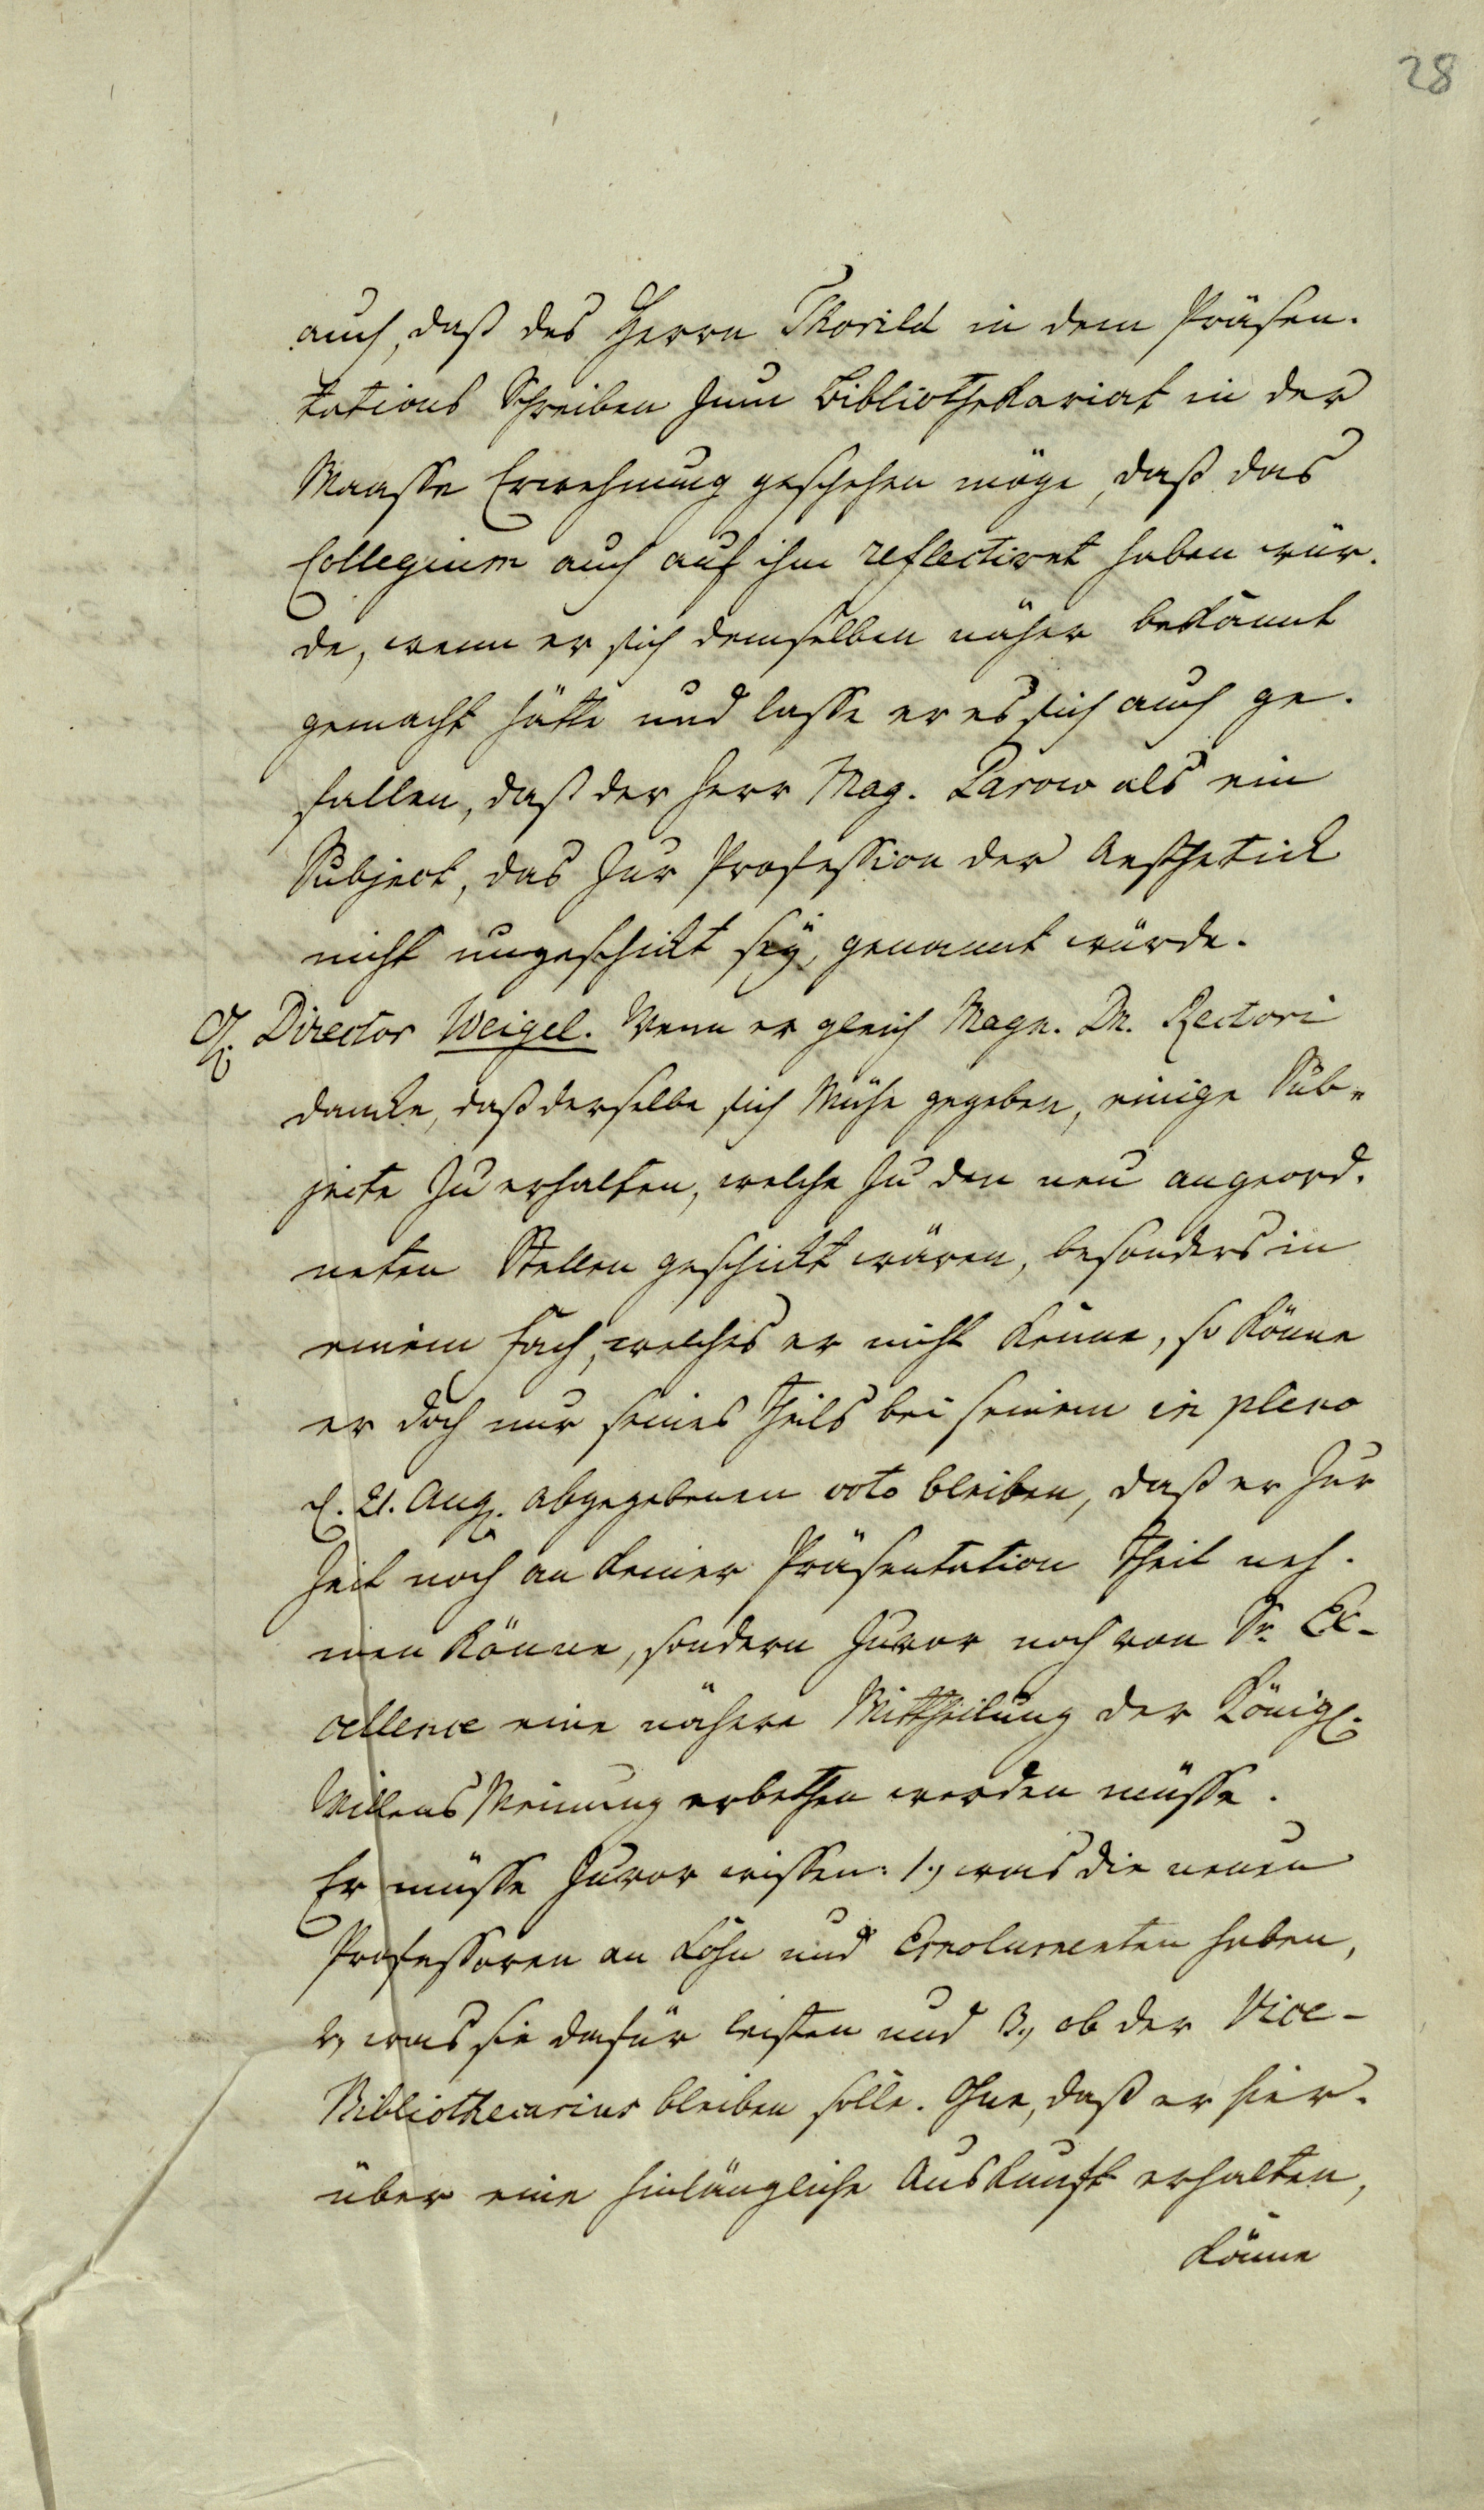auch, daß des Herrn Thorild in dem Präsen¬
tations Schreiben zum Bibliothekariat in der
Maasse Erwehnung geschehen möge, daß das
Collegium auch auf ihm reflectiret haben wür¬
de, wenn er sich demselben näher bekannt
gemacht hätte und lasse er es sich auch ge¬
fallen, daß der Herr Mag. Larow als ein
Subject, das zur Profession der Aesthetick
nicht ungeschickt seÿ, genannt würde.
dh. Director Weigel. Wenn er gleich Magn. Dn. Rectori
dancke, daß derselbe sich Mühe gegeben, einige Sub¬
jecte zu erhalten, welche zu den neu angeord¬
neten Stellen geschickt wären, besonders in
einem Fach, welches er nicht kenne, so könne
er doch nur seines Theils bei seinem in pleno
d. 21. Aug. abgegebenen voto bleiben, daß er zur
Zeit noch an keiner Präsentation Theil neh¬
men könne, sondern zuvor noch von Sr. Ex¬
cellence eine nähere Mittheilung der Königl.
Willens Meinung erbethen werden müsse.
Er müsse zuvor wissen: 1., was die neuen
Professoren an Lohn und Emolumenten haben,
2., was sie dafür leisten und 3., ob der Vice¬
Bibliothecarius bleiben solle. Ohne, daß er hier¬
über eine hinlängliche Auskunft erhalten,
könne